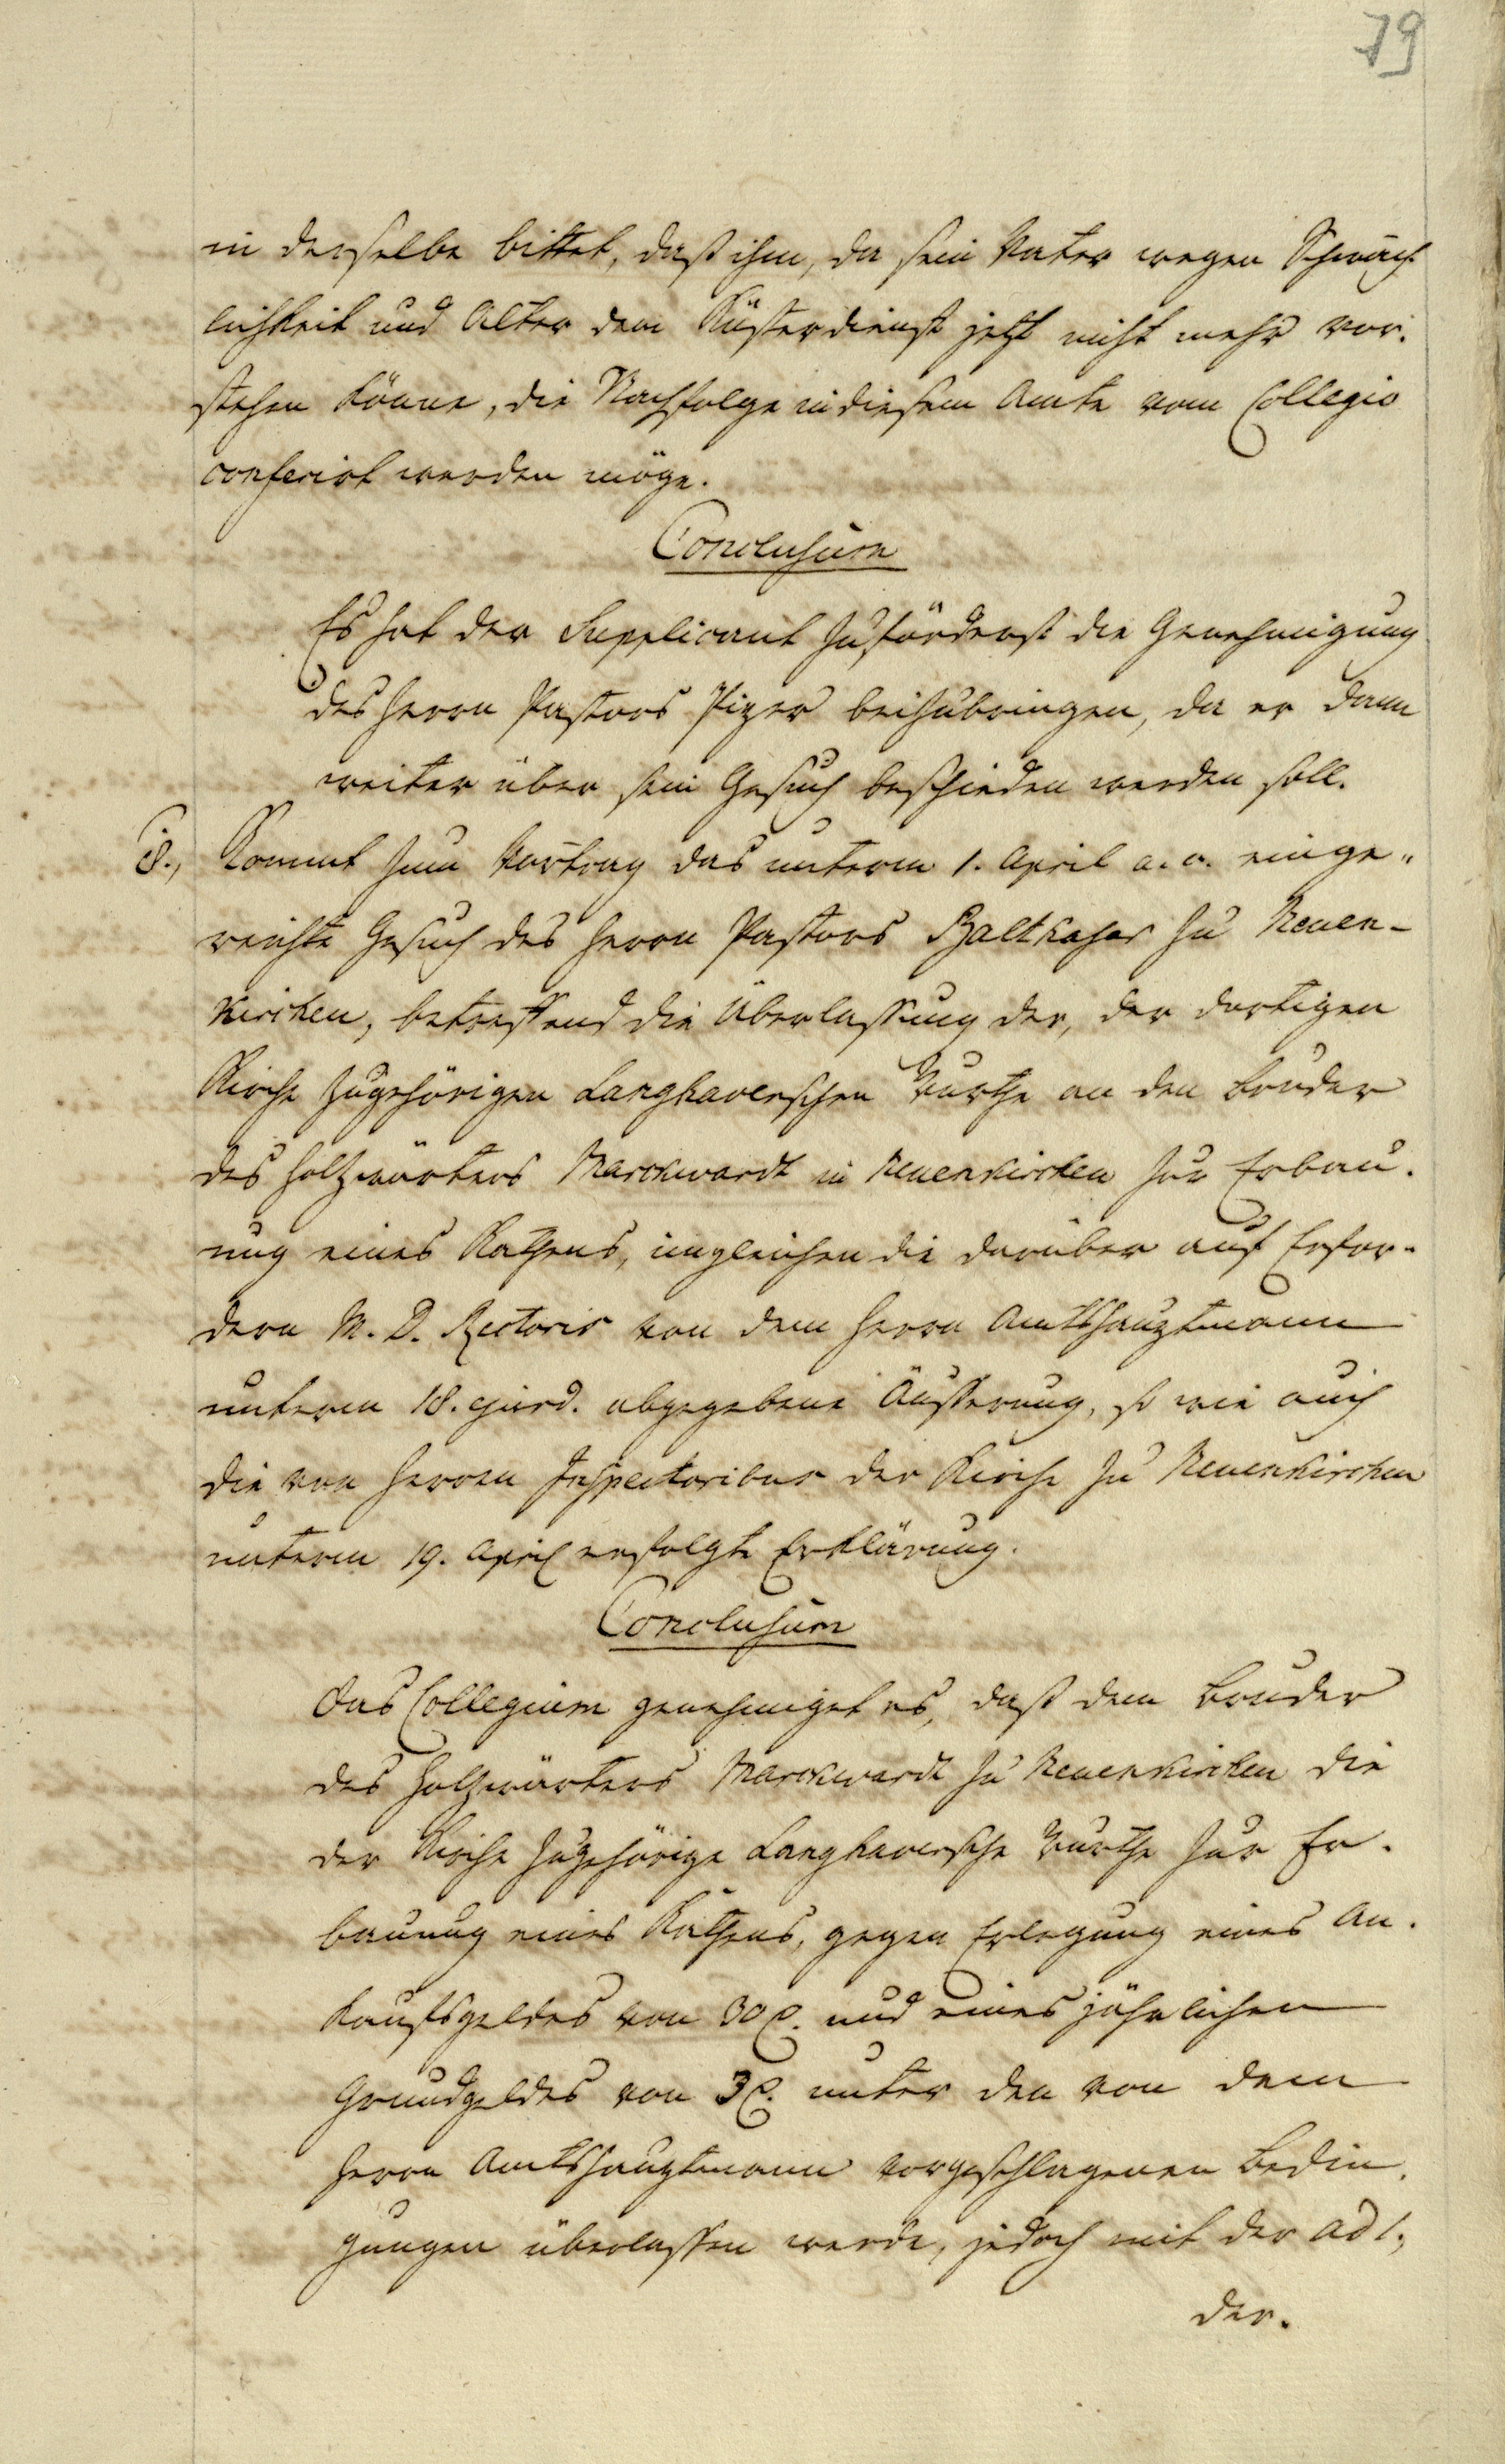in derselbe bittet, daß ihm, da sein Vater wegen Schwäch¬
lichkeit und Alter dem Küsterdienst jetzt nicht mehr vor¬
stehen könne, die Nachfolge in diesem Amte vom Collegio
conferirt werden möge.
Conclusum
Es hat der Supplicant zuförderst die Genehmigung
des Herrn Pastors Piper beizubringen, da er dann
weiter über sein Gesuch beschieden werden soll.
8., Kommt zum Vortrag das unterm 1. April a. c. einge¬
reichte Gesuch des Herrn Pastors Balthasar zu Neuen¬
Kirchen, betreffend die Überlassung der, der dortigen
Kirche zugehörigen Langhaverschen Wurthe an den Bruder
des Holzwärters Marckwardt in Neuenkirchen zur Erbau¬
ung eines Kathens, imgleichen die darüber auf Erfor¬
dern M. D. Rectoris von dem Herrn Amtshauptmann
unterm 18. ejusd. abgegebene Äusserung, so wie auch
die von Herren Inspectoribus der Kirche zu Neuenkirchen
unterm 19. April erfolgte Erklärung.
Conclusum
Das Collegium genehmiget es, daß dem Bruder
des Holzwärters Marckwardt zu Neuenkirchen die
der Kirche zugehörige Langhaversche Wurthe zur Er¬
bauung eines Kathens, gegen Erlegung eines An¬
kaufsgeldes von 30 l. und eines jährlichen
Grundgeldes von 3 l. unter den von dem
Herrn Amtshauptmann vorgeschlagenen Bedin¬
gungen überlassen werde, jedoch mit der ad 1.,
der¬